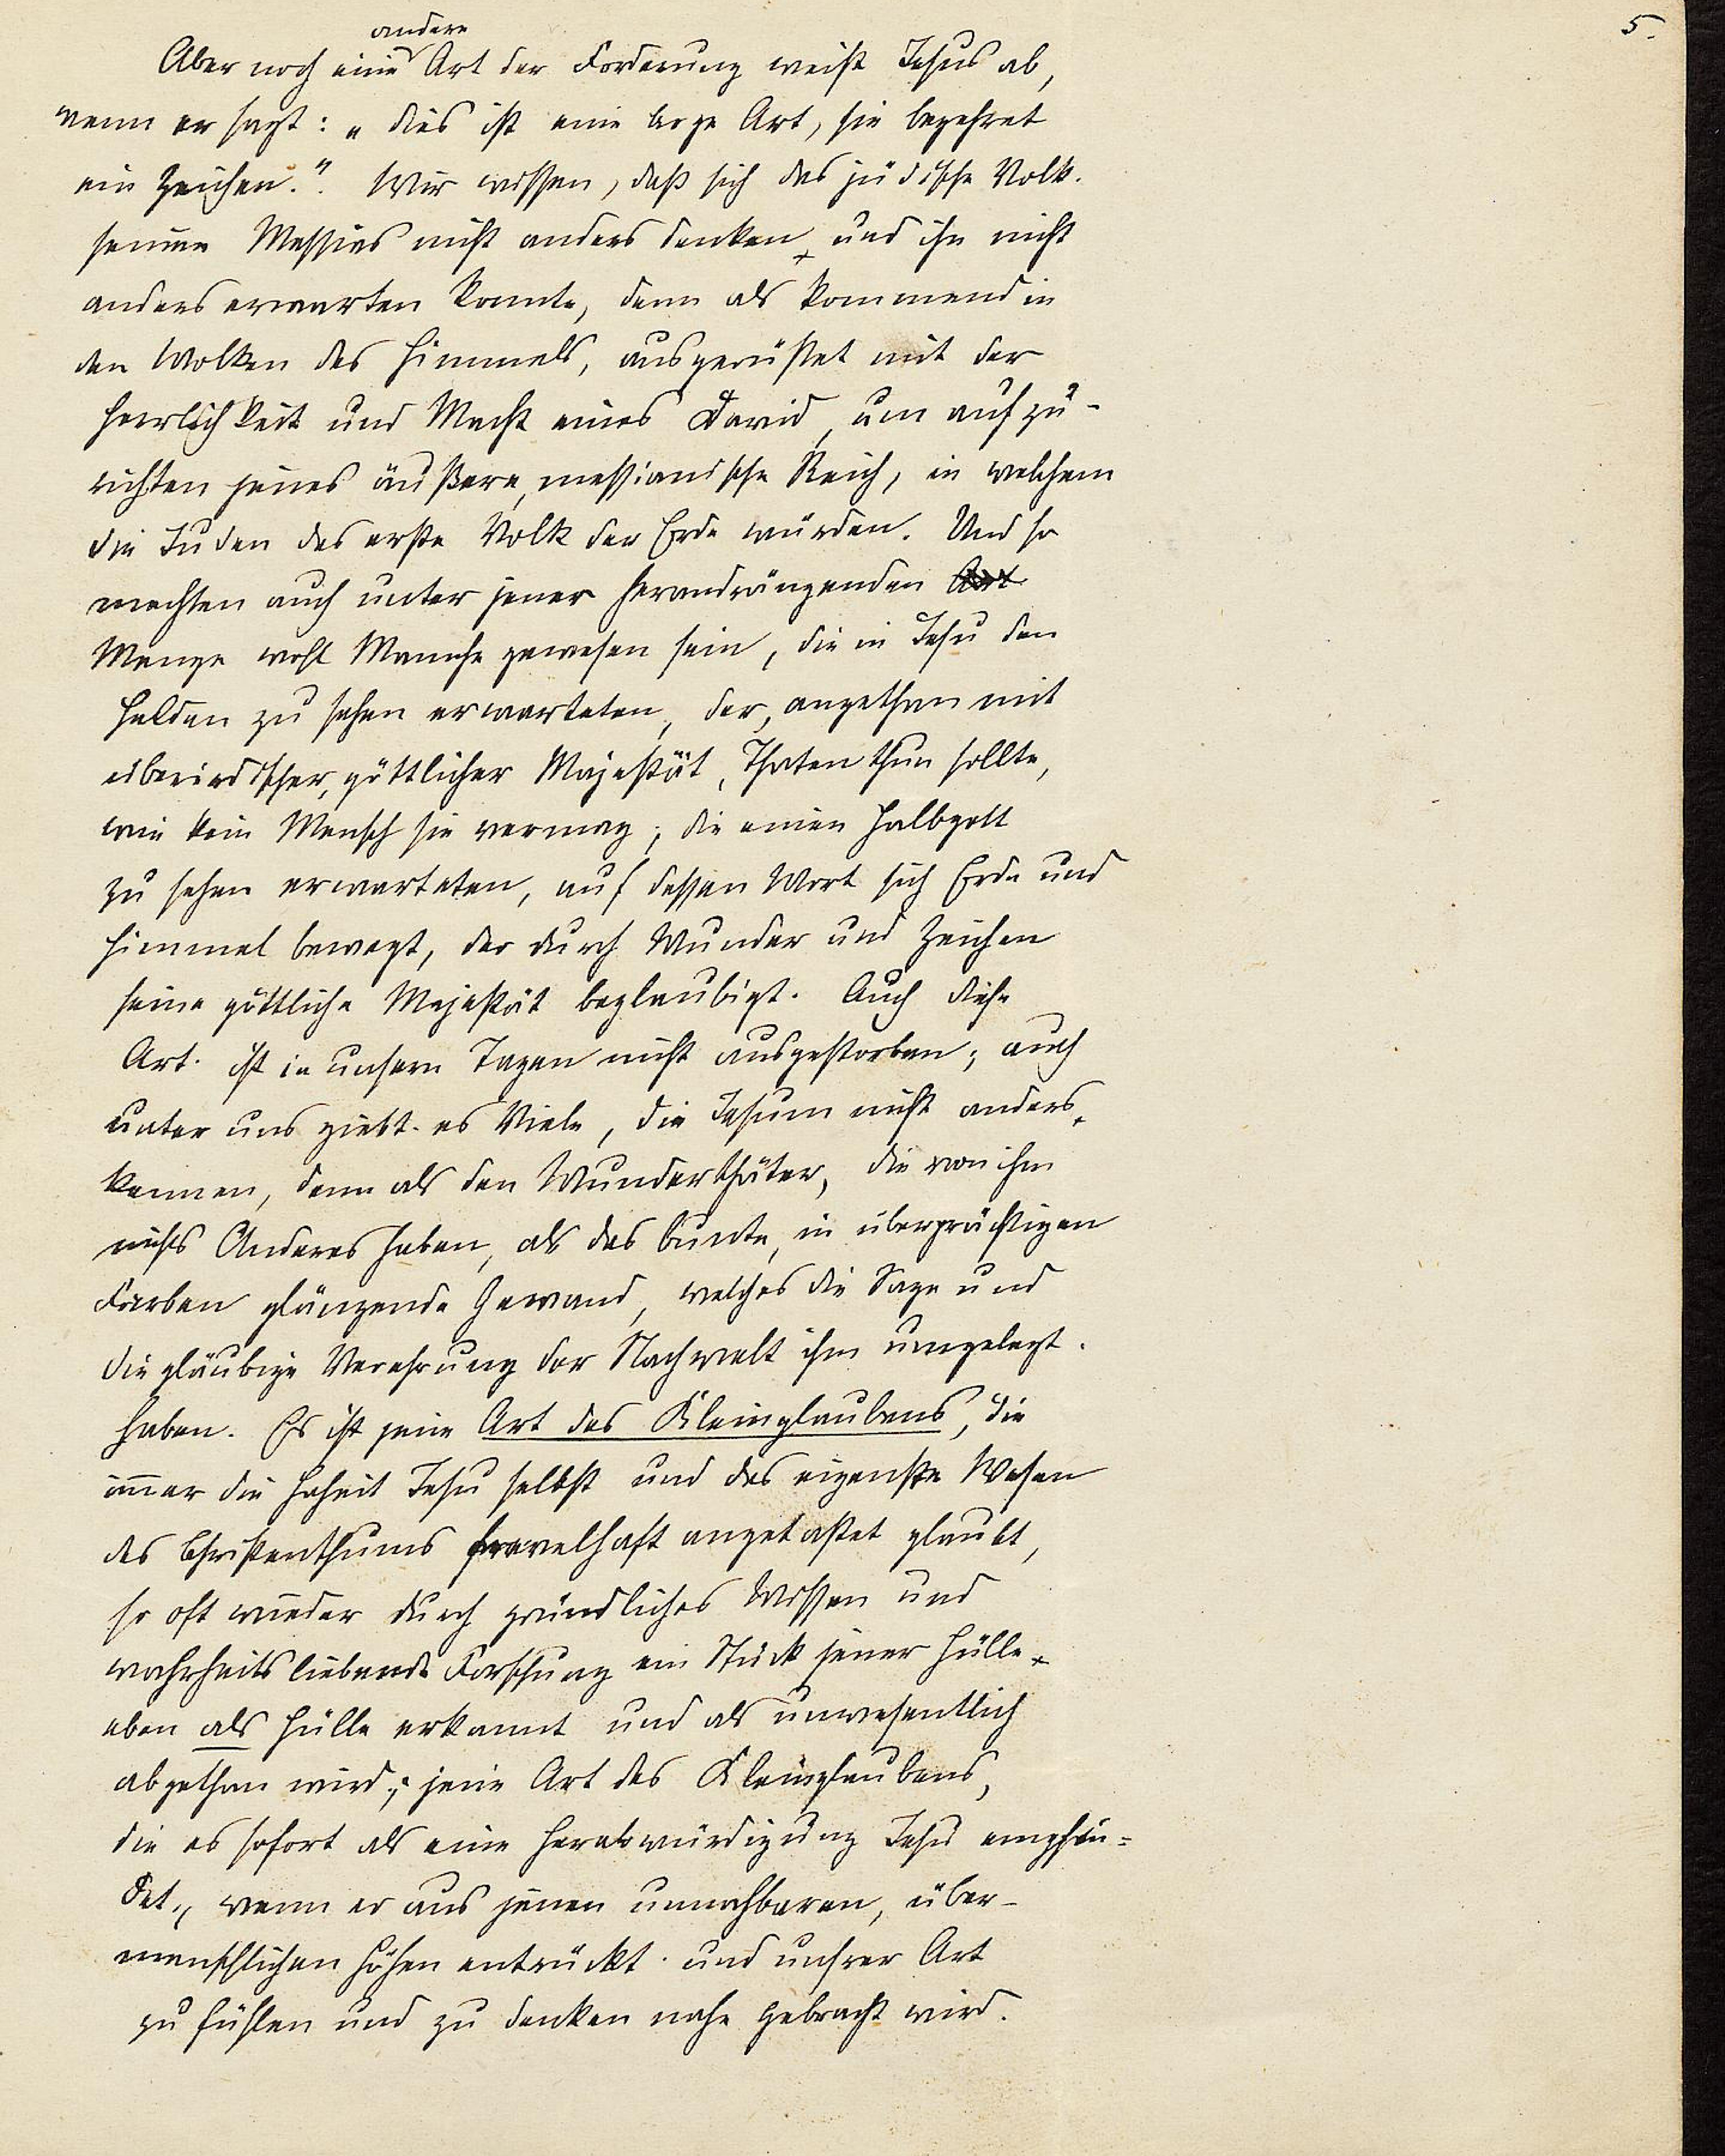andern
Aber noch eine Art der Forderung weist Jesus ab,
wenn er sagt: "dies ist eine arge Art, sie begehret
ein Zeichen." Wir wissen, daß sich das jüdische Volk
seinen Messias nicht anders denken und ihn nicht
anders erwarten konnte, denn als kommend in
den Wolken des Himmels, ausgerüstet mit der
Herlichkeit und Macht eines David um aufzu¬
richten jenes äußere messianische Reich, in welchem
die Juden das erste Volk der Erde würden. Und so
machten auch unter jener herandrängenden Art
Menge wohl Manche gewesen sein, die in Jesu den
Helden zu sehen erwarteten, der angethan mit
überirdischer, göttlicher Majestät, Thaten thun sollte,
wie kein Mensch sie vermag, die einen Halbgott
zu sehen erwarteten, auf dessen Wort sich Erde und
Himmel bewegt, der durch Wunder und Zeichen
seine göttliche Majestät beglabigt. Auch diese
Art ist in unsern Tagen nicht ausgestorben, auch
unter uns giebt es Viele, die Jesum nicht anders
kennen, denn als den Wunderthäter, die von ihm
nichts Anderes haben, als das bunte, in überprächtigen
Farben glänzende Gewand, welches die Sage und
die gläubige Verehrung der Nachwelt ihm umggelegt
haben. Es iht jene Art des Kleinglaubens, die
imer die Hoheit Jesu selbst und das eigenste Wesen
des Christenthums formelhaft angetastet glaubt,
so oft wieder durch gründliches Wissen und
wahrheitsliebende Forschung ein Stück jener Fülle
eben als Hülle erkannt und als unwesentlich
abgethan wird; jene Art des Kleinglaubens
die es sefort als eine Herabwürdigung Jesu empfind¬
det, wenn er aus jenen unnahbaren, über¬
menschlichen Höhen entrückt und unsrer Art
zu fühlen und zu denken nahe gebracht wird.